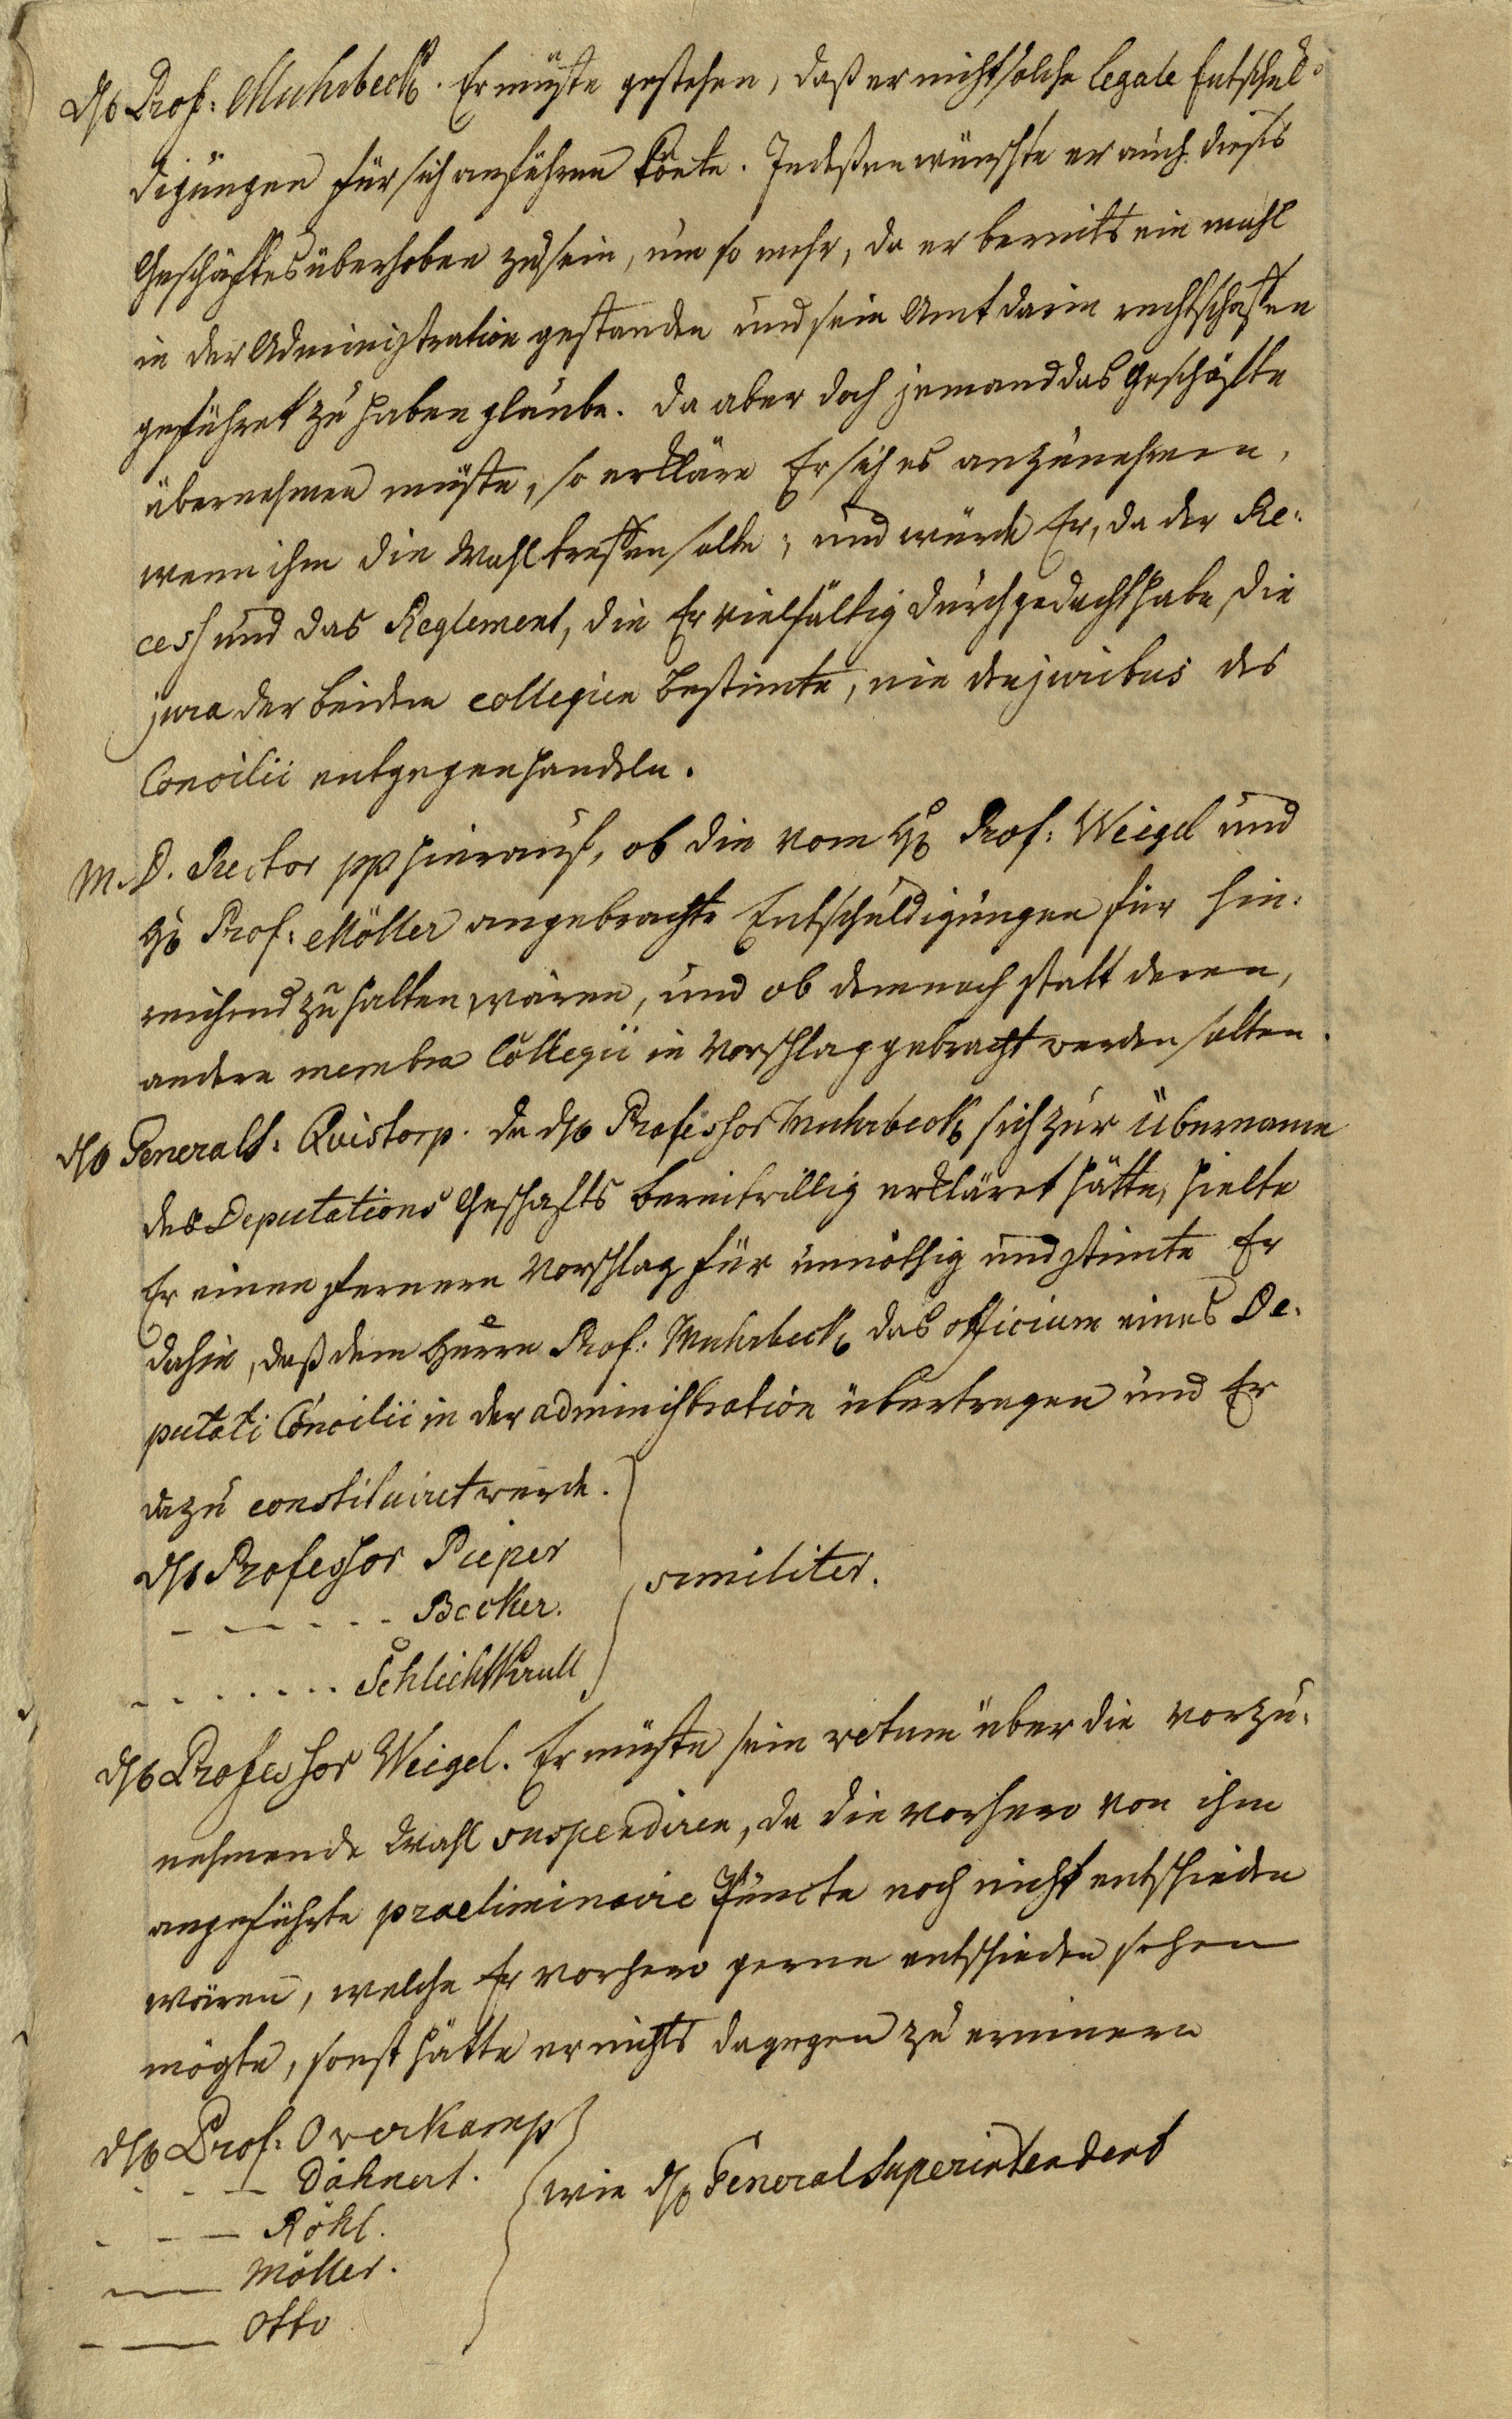dh Prof. Muhrbeck. Er müßte gestehen, daß er nicht solche legale Entschul¬
digungen für sich anführen könte. Indeßen wünschte er auch dieses
Geschäftes überhoben zusein, um so mehr, da er bereits ein mahl
in der Administration gestanden und sein Amt darin rechtscheffen
geführet zu haben glaube. Da aber doch jemand das Geschäfte
übernehmen müßte, so erkläre Er sich es anzunehmen,
wenn ihm die Wahl treffen solte, und würde Er, da der Re¬
cess und das Reglement, die Er vielfältig durch gedacht habe, die
jura der beiden collegien bestimte, ein denjuritus des
Concilii entgegenhandeln
M. D. Rector pp hierauf, ob die vom H Prof. Weigel und
dh Prof. Möller angebrachte Entschuldigungen für hin¬
reichend zu halten wären, und ob demnach statt deren,
andere membra Collegii in Vorschlag gebracht werden sollten.
dh GeneralS. Quistorp. Da dh Professor Muhrbeck sich zur Übername
des Deputations Geschäfts bereitwillig erkläret hätte, hielte
Er einen ferneren Vorschlag für unnöthig und stimte Er
dahin, daß dem Herrn Prof. Muhrbeck. das officium eines De¬
putati Concilii in der Administration übertragen und Er
dazu constituiret werde.
dh Professor Pieper
similiter
Becker.
Shlictkrull
dh Professor Weigel. Er müßte sein votum über die vorzu¬
nehmende Wahl suspendiren, da die vorhero von ihm
angeführte praeliminaire Puncte noch nicht entschieden
wären, welche Er vorhero gerne entschieden sehen
mögte, sonst hätte er nicht dagegen zu erinnern
dh. Prof. Overkamp
Dähnert.
wie dh, GeneralSuperintendent
Röhl.
Möller.
Otto